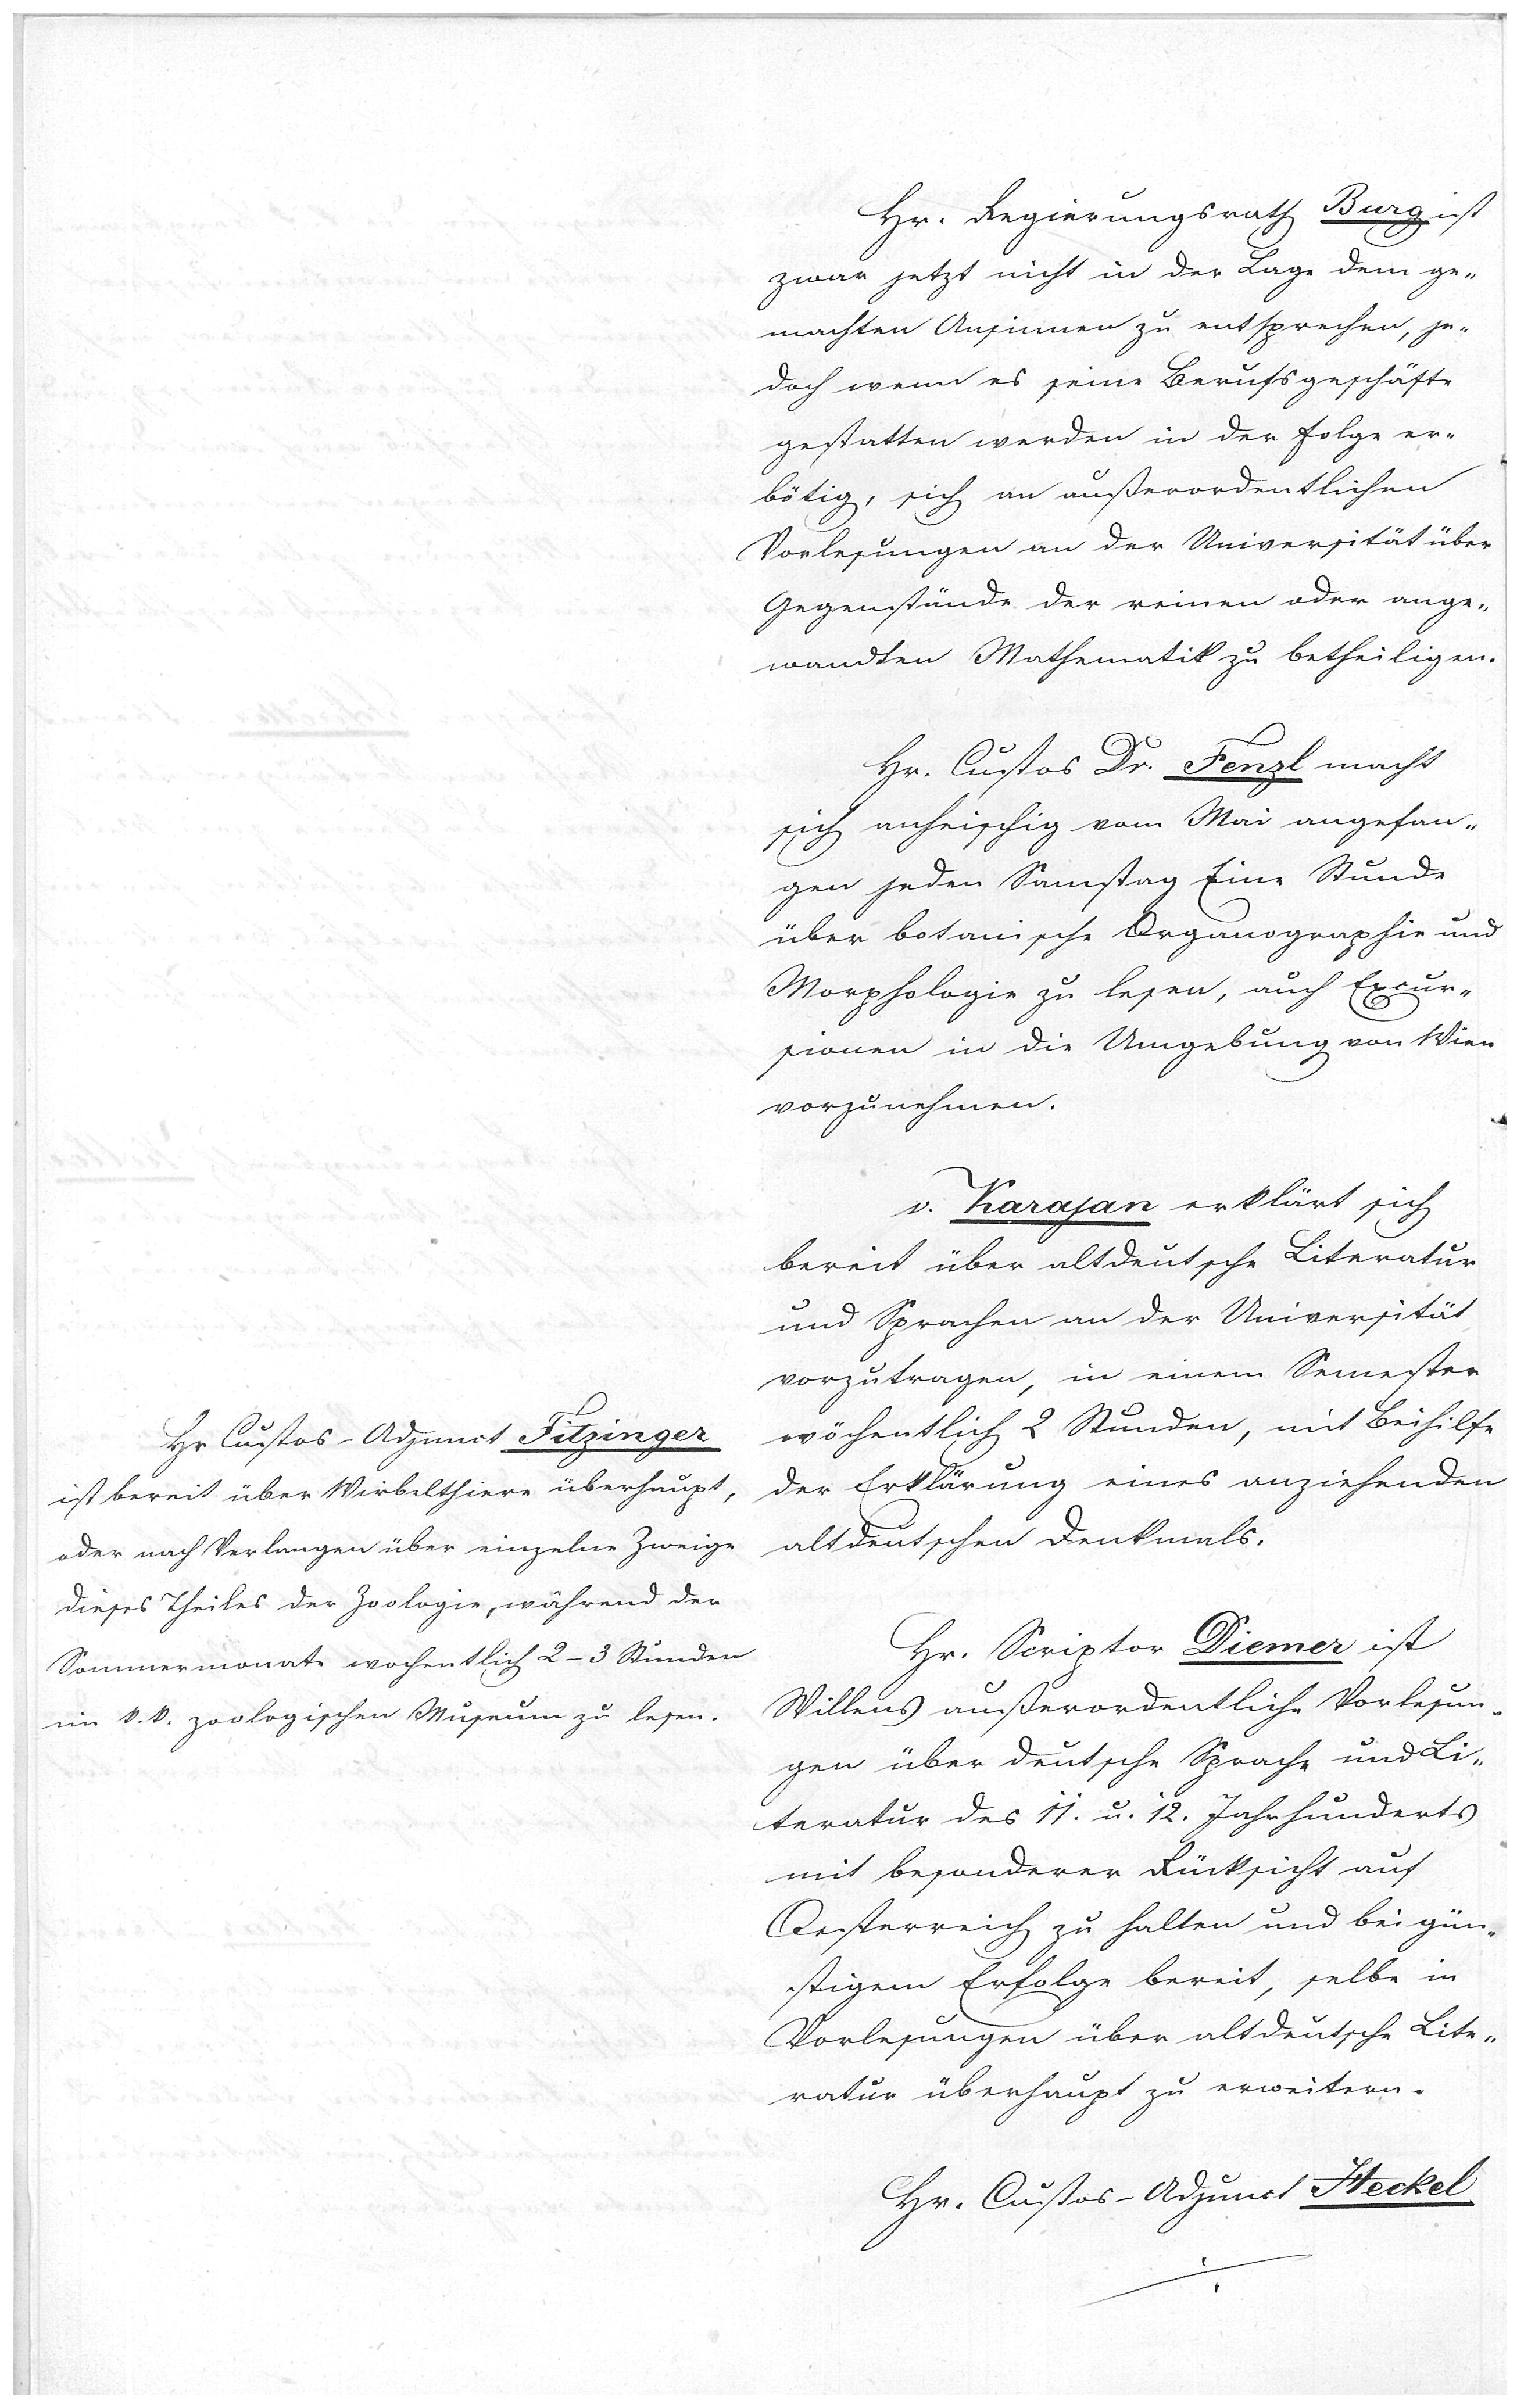Hr. Regierungsrath Burg ist
zwar jetzt nicht in der Lage dem ge-
machte Ansinnen zu entsprechen, je-
doch wenn es seine Berufsgeschäfte
gestatten werden in der Folge er-
bötig, sich an außerordentlichen
Vorlesungen an der Universität über
Gegenstände der reinen oder ange-
wandten Mathematik zu betheiligen.
Hr. Custos Dr. Fenzl macht
sich anheischig vom Mai angefan-
gen jedem Samstag Eine Stunde
über botanische Organographie nd
Morphologie zu lesen, auch Excur-
sionen in die Umgebung von Wien
vorzunehmen.
v. Karajan erklärt sich
bereit über altdeutsche Literatur
und Sprachen an der Universität
vorzutragen, in einem Semester
wöchentliche 2 Stunden, mit Beihilfe
der Erklärung eines anziehenden
altdeutschen Denkmals.
Hr Custos-Adjunct Fitzinger
ist bereit über Wirbelthiere überhaupt,
oder nach Verlangen über einzelne Zweige
dieses Theiles der Zoologie, während der
Sonmermonate wochentlich 2-3 Stunden
im k. k. zoologischen Museum zu lesen.
Hr. Scriptor Diemer ist
Willens außerordentliche Vorlesun-
gen über deutschen Sprache und Li-
teratur des 11. u. 12. Jahrhunderts
mit besonderer Rücksicht auf
Oesterreich zu halten und bei gün-
stigem Erfolge bereit, selbe in
Vorlesungen über altdeutsche Lite-
ratur überhaupt zu erweitern.
Hr. Custos-Adjunct Heckel